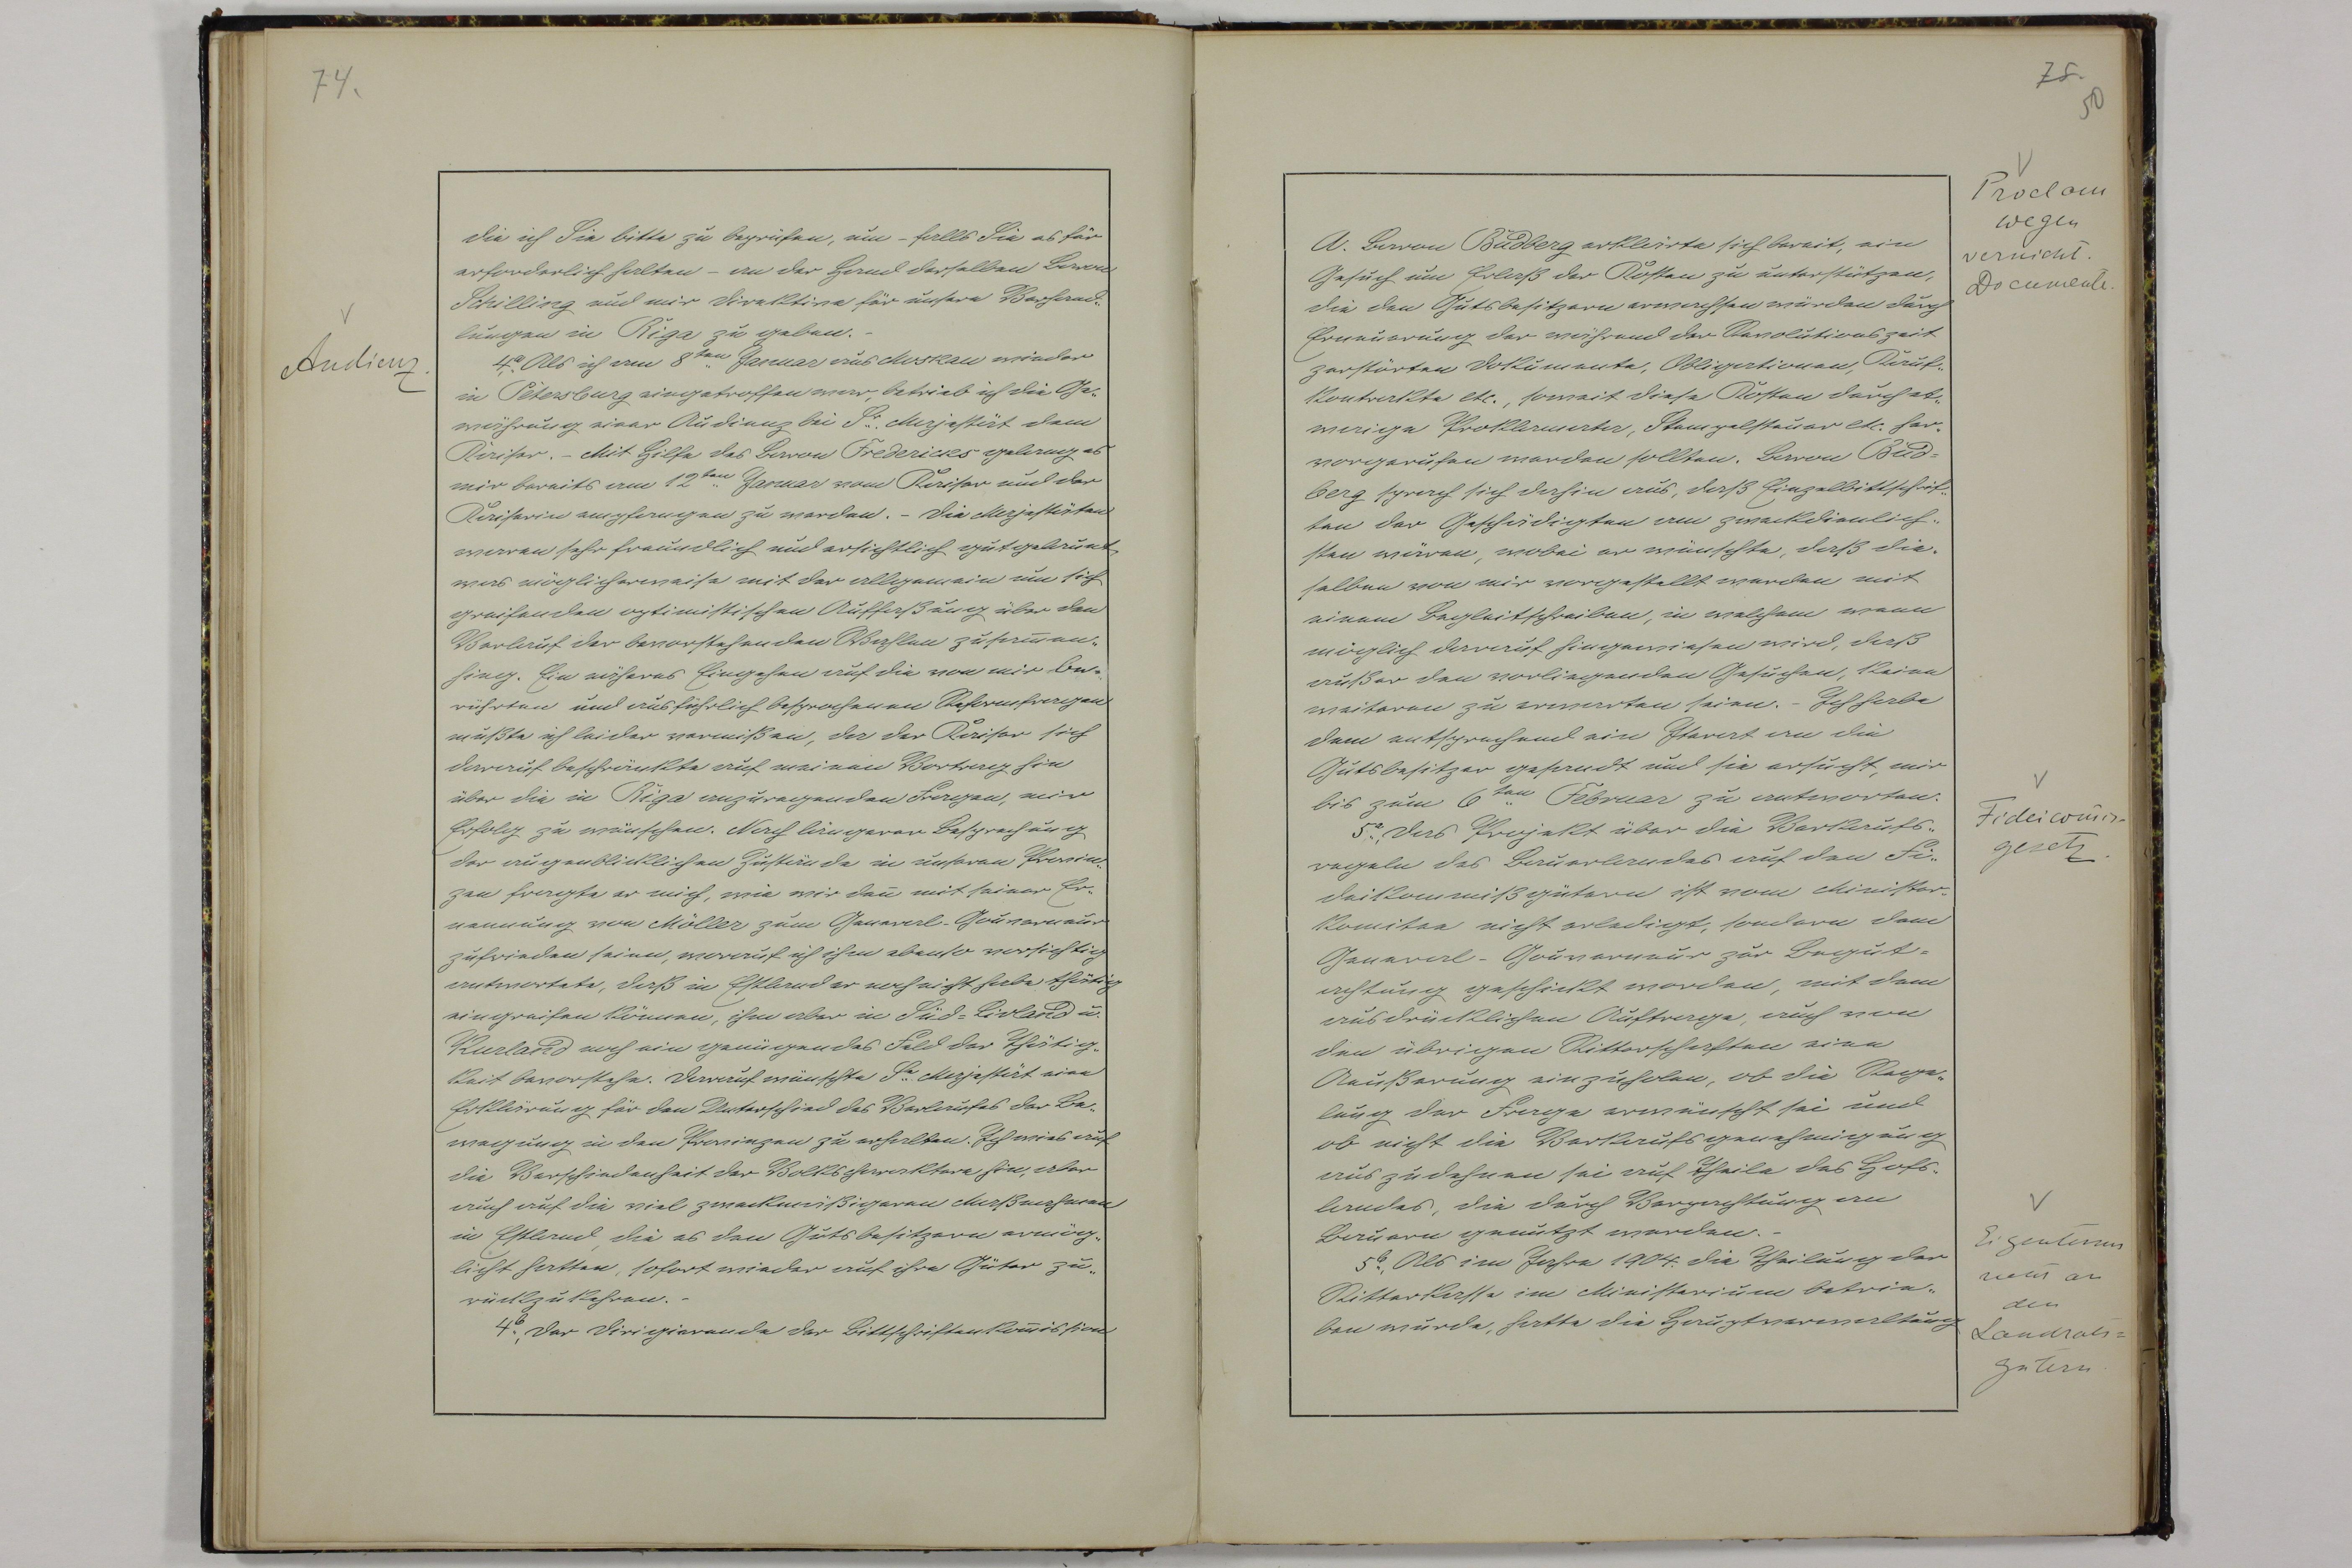Audienz
die ich Sie bitte zu beprüfen, um – falls Sie es für
erforderlich halten – an der Hand derselben Baron
Schilling und mir Direktive für unsere Verhand-
lungen in Riga zu geben.
4a. Als ich am 8ten Januar aus Moskau wieder
in Petersburg eingetroffen war, betrieb ich die Ge-
währung einer Audienz bei Sr. Majestät dem
Kaiser. – Mit Hilfe des Baron Fredericks gelang es
mir, bereits am 12ten Januar vom Kaiser und der
Kaiserin empfangen zu werden. – Die Majestäten
waren sehr freundlich und ersichtlich gutgelaunt,
was möglicherweise mit der allgemein um sich
greifenden optimistischen Auffaßung über den
Verlauf der bevorstehenden Wahlen zusammen-
hing. Ein näheres Eingehen auf die von mir be-
rührten und ausführlich besprochenen Reformfragen
mußte ich leider vermißen, da der Kaiser sich
darauf beschränkte, auf meinen Vortrag hin
über die in Riga anzuregenden Fragen, mir
Erfolg zu wünschen. Nach längerer Besprechung
der augenblicklichen Zustände in unseren Provin-
zen fragte er mich, wie wir denn mit seiner Er-
nennung von Möller zum General-Gouverneur
zufrieden seien, worauf ich ihm ebenso vorsichtig
antwortete, daß in Estland er noch nicht habe thätig
eingreifen können, ihm aber in Süd-Livland u.
Kurland noch ein genügendes Feld der Thätig-
keit bevorstehe. Darauf wünschte Se. Majestät eine
Erklärung für den Unterschied des Verlaufes der Be-
wegung in den Provinzen zu erhalten. Ich wies auf
die Verschiedenheit der Volkscharaktere hin, aber
auch auf die viel zweckmäßigeren Maßnahmen
in Estland, die es den Gutsbesitzern ermög-
licht hatten, sofort wieder auf ihre Güter zu-
rückzukehren.
4b. Der Dirigierende der Bittschriftenkommission
A. Baron Budberg erklärte sich bereit, ein
Gesuch um Erlaß der Kosten zu unterstützen,
die den Gutsbesitzern erwachsen würden durch
Erneuerung der während der Revolutionszeit
zerstörten Dokumente, Obligationen, Kauf-
kontrakte etc., soweit diese Kosten durch et-
waige Proklamata, Stempelsteuer etc. her-
vorgerufen werden sollten. Baron Bud-
berg sprach sich dahin aus, daß Einzelbittschrif-
ten der Geschädigten am zweckdienlich-
sten wären, wobei er wünschte, daß die-
selben von mir vorgestellt werden mit
einem Begleitschreiben, in welchem wenn
möglich darauf hingewiesen wird, daß
außer den vorliegenden Gesuchen, keine
weiteren zu erwarten seien. - Ich habe
dem entsprechend ein Iterat an die
Gutsbesitzer gesandt und sie ersucht, mir
bis zum 6ten Februar zu antworten.
5a. Das Projekt über die Verkaufs-
regeln des Bauerlandes auf den Fi-
deikommißgütern ist vom Minister-
komitee nicht erledigt, sondern dem
General-Gouverneur zur Begut-
achtung geschickt worden, mit dem
ausdrücklichen Auftrage, auch von
den übrigen Ritterschaften eine
Aeußerung einzuholen, ob die Rege-
lung der Frage erwünscht sei und
ob nicht die Verkaufsgenehmigung
auszudehnen sei auf Theile des Hofs-
landes, die durch Verpachtung an
Bauern genutzt werden.
5b. Als im Jahre 1904. die Theilung der
Ritterkasse im Ministerium betrie-
ben wurde, hatte die Hauptverwaltung
Proclam
wegen
vernicht.
Documente
Fideicommis-
gesetz
Eigentums
ercht an
den
Landrats-
gütern